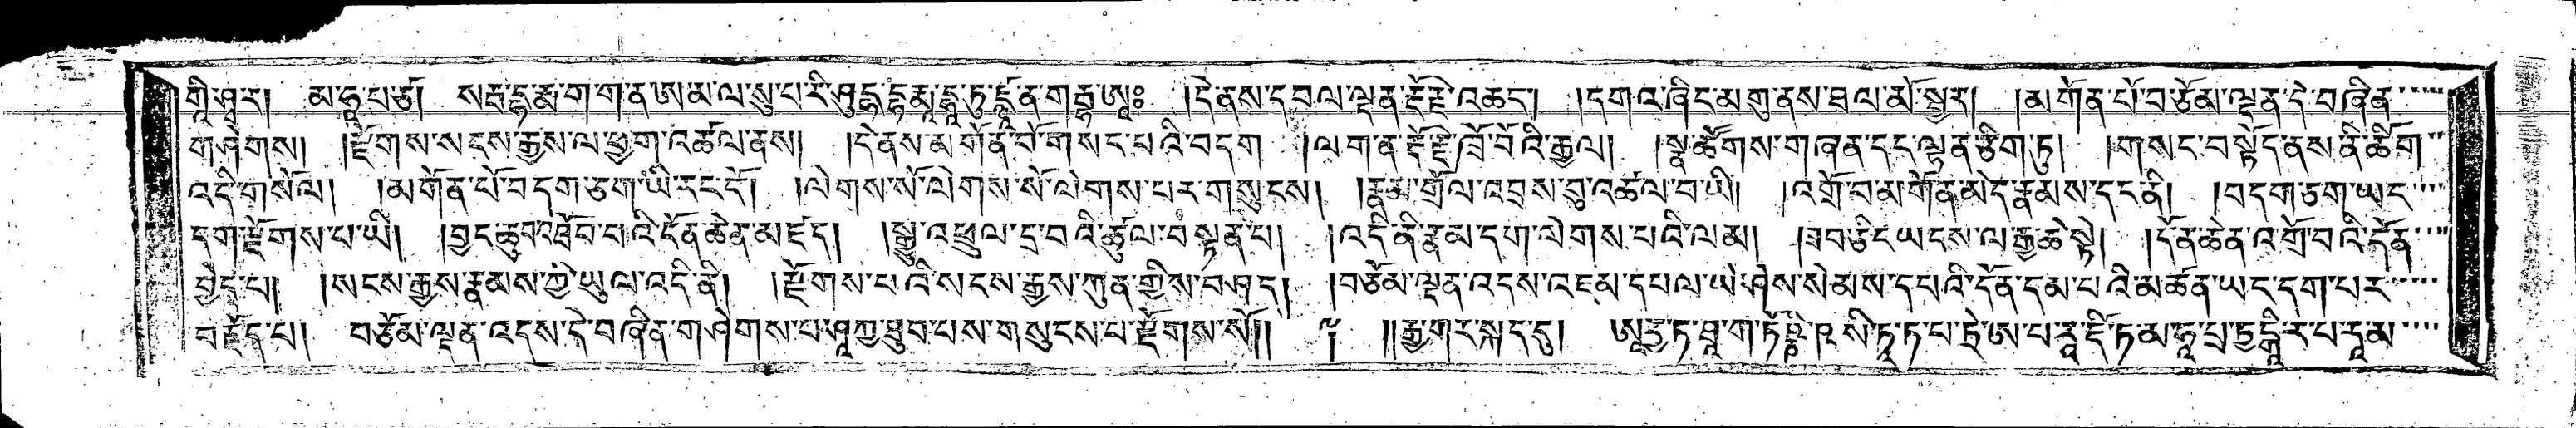གཱི་ཤྭ་ར། མ་ཧཱ་པ་ཙ། སརྦ་དྷ་རྨ་ག་ག་ན་ཨ་མ་ལ་སུ་པ་རི་ཤུདྷ་དྷརྨཱ་དྷཱ་ཏུ་ཛྙཱ་ན་གརྦྷ་ཨཱཿ །དེ་ནས་དཔལ་ལྡན་རྡོ་རྗེ་འཆང་། །དགའ་ཞིང་མགུ་ནས་ཐལ་མོ་སྦྱར། །མགོན་པོ་བཅོམ་ལྡན་དེ་བཞིན་
གཤེགས། །རྫོགས་སངས་རྒྱས་ལ་ཕྱག་འཚལ་ནས། །དེ་ནས་མགོན་པོ་གསང་བའི་བདག །ལག་ན་རྡོ་རྗེ་ཁྲོ་བོའི་རྒྱལ། །སྣ་ཚོགས་གཞན་དང་ལྷན་ཅིག་ཏུ། །གསང་བསྟོད་ནས་ནི་ཚིག་
འདི་གསོལ། །མགོན་པོ་བདག་ཅག་ཡི་རང་ངོ། །ལེགས་སོ་ལེགས་སོ་ལེགས་པར་གསུངས། །རྣམ་གྲོལ་འབྲས་བུ་འཚལ་བ་ཡི། །འགྲོ་བ་མགོན་མེད་རྣམས་དང་ནི། །བདག་ཅག་ཡང་
དག་རྫོགས་པ་ཡི། །བྱང་ཆུབ་འཐོབ་པའི་དོན་ཆེན་མཛད། །སྒྱུ་འཕྲུལ་དྲ་བའི་ཚུལ་བསྟན་པ། །འདི་ནི་རྣམ་དག་ལེགས་པའི་ལམ། །ཟབ་ཅིང་ཡངས་ལ་རྒྱ་ཆེ་སྟེ། །དོན་ཆེན་འགྲོ་བའི་དོན་
བྱེད་པ། །སངས་རྒྱས་རྣམས་ཀྱི་ཡུལ་འདི་ནི། །རྫོགས་པའི་སངས་རྒྱས་ཀུན་གྱིས་བཤད། །བཅོམ་ལྡན་འདས་འཇམ་དཔལ་ཡེ་ཤེས་སེམས་དཔའི་དོན་དམ་པའི་མཚན་ཡང་དག་པར་
བརྗོད་པ། བཅོམ་ལྡན་འདས་དེ་བཞིན་གཤེགས་པ་ཤཱཀྱ་ཐུབ་པས་གསུངས་པ་རྫོགས་སོ།། ༈ །།རྒྱ་གར་སྐད་དུ། ཨཱརྱ་ཏ་ཐཱ་ག་ཏོ་ཥྞི་ཥ་སི་ཏཱ་ཏ་པ་ཏྲེ་ཨ་པ་རཱ་ཛི་ཏ་མ་ཧཱ་པྲ་ཏྱངྒཱི་ར་པ་རཱ་མ་